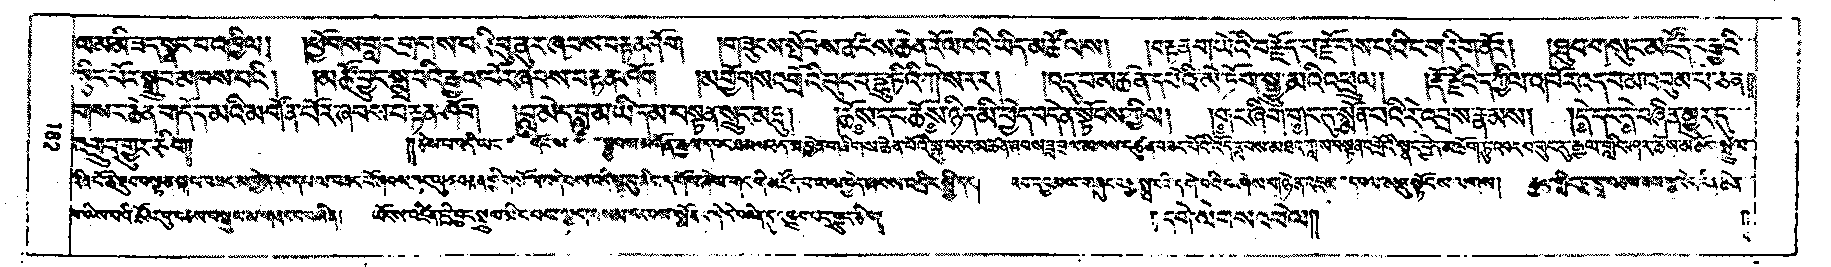ལམ་མི་ཟད་སྣང་བ་འཁྱིལ། །ཕྱོགས་གླང་གྲགས་པའི་ཕུ་ནུར་ཞབས་བརྟན་ཤོག །གཟུངས་སྤོབས་ཚངས་ཆེན་རོལ་བའི་ཡིད་མཚོ་ལས། །བརྟན་གཡོའི་བརྗོད་པ་རྫོགས་པའི་ངག་རིག་ནོར། །ཐུབ་གསུང་མཛོད་བརྒྱའི་
སྙིང་པོར་སྒྲུབ་མཁས་པའི། །མཚོ་བྱུང་སྨྲ་བའི་རྒྱལ་པོར་ཞབས་བརྟན་ཤོག །མགྱོགས་འགྲོའི་བུང་བ་དྷུ་ཏིའི་ཀེ་ས་རར། །འདུ་བ་མཚན་དཔེའི་མེ་ཏོག་སྒྱུ་མའི་འཕྲུལ། །རྡོ་རྗེའི་དཀྱིལ་འཁོར་འདབ་མ་འབུམ་པ་ཅན། །
གསང་ཆེན་གདོད་མའི་མགོན་པོར་ཞབས་བརྟན་ཤོག །བླ྾་མེད་བླ྾་མ་ཡི་དམ་བསྟན་སྲུང་མཐུ། །ཆོས྾་དང་ཆོས྾་ཉིད་མི་ཕྱེད་བདེན་སྟོབས་ཀྱིས། །གང྾་ཞིག་གང྾་དུ་སྨོན་པའི་རེ་འབྲས་རྣམས། །དེ྾་དང་དེ྾་བཞིན་མྱུར་དུ་
འགྲུབ་གྱུར་ཅིག ། །།ཅེས་པ་འདི་ཡང་༧གོང་ས་༧སྐྱབས་མགོན་རྒྱལ་དབང་ཐམས་ཅད་མཁྱེན་གཟིགས་ཆེན་པོའི་སྐུ་བཅར་མཚན་ཞབས་ཟླ་བྲལ་མཁས་བཙུན་བཟང་པོའི་འོད་རླབས་མཐའ་ཀླས་བསྟན་འགྲོའི་སྣང་བྱེད་མཆོག་ཏུ་འབར་བ་གུང་རུ་རྒྱལ་གླིང་ཤར་ཆོས་མཆོག་སྤྲུལ་
རིན་པོ་ཆེ་ཐུབ་བསྟན་སྐལ་བཟང་མཁྱེན་རབ་དཔལ་བཟང་པོ་ཞབས་ཟུང་ཡུན་བརྟན་གྱི་གསོལ་འདེབས་འདི་ལྟ་བུ་ཞིག་དགོས་ཞེས་གང་གི་མཛོད་པ་ལས་བྱེད་ཞབས་འབྲིང་སྤྱི་དང་། རབ་འབྱམས་གཞུང་བརྒྱ་སྨྲ་བའི་དགེ་བའི་བཤེས་གཉེན་འཇམ་དཔལ་མཐུ་སྟོབས་ལགས། རྒྱལ་གླིང་བླ་གྲྭ་བཅས་ནས་ལྷ་རེག་རིན་ཆེན་
གཉིས་པའི་ཚོམ་བུ་བཅས་བསྐུལ་མ་གནང་བ་བཞིན། ཡོངས་འཛིན་ཁྲི་བྱང་སྤྲུལ་མིང་བས་ལྷག་བསམ་དྭང་བས་སྨོན་པ་དེ་དེ་བཞིན་དུ་འགྲུབ་པར་གྱུར་ཅིག། །དགེ་ལེགས་འཕེལ།། །།